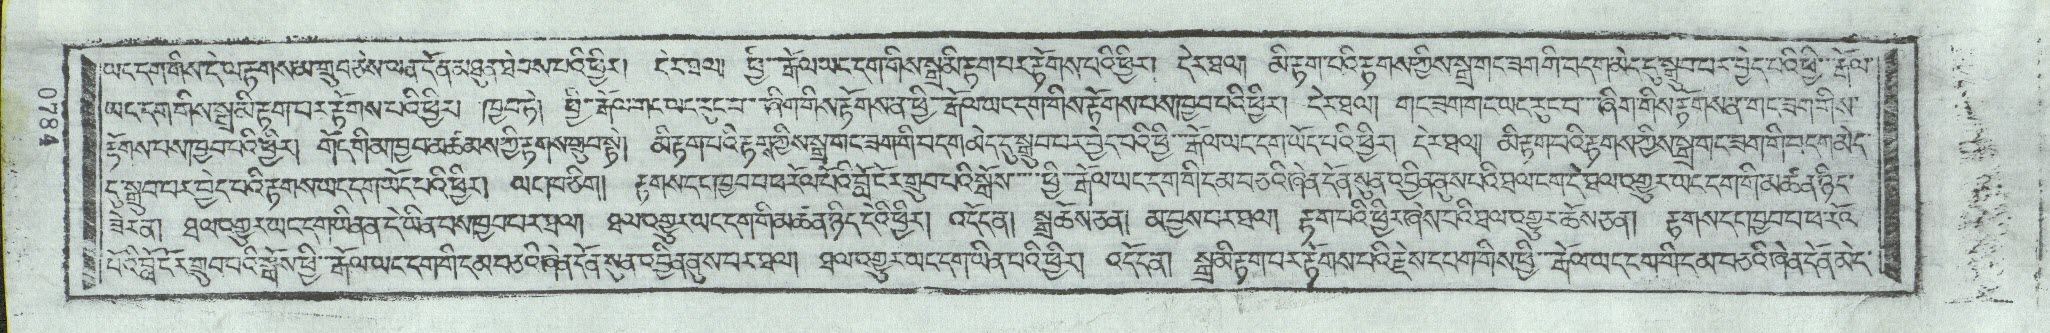ཡང་དག་གིས་དེ་ལ་རྟགས་མ་གྲུབ་ཅེས་ལན་དོན་མཐུན་ཐེབས་པའི་ཕྱིར། དེར་ཐལ། ཕྱི་རྒོལ་ཡང་དག་གིས་སྒྲ་མི་རྟག་པར་རྟོགས་པའི་ཕྱིར། དེར་ཐལ། མི་རྟག་པའི་རྟགས་ཀྱིས་སྒྲ་གང་ཟག་གི་བདག་མེད་དུ་སྒྲུབ་པར་བྱེད་པའི་ཕྱི་རྒོལ་
ཡང་དག་གིས་སྒྲ་མི་རྟག་པར་རྟོགས་པའི་ཕྱིར། ཁྱབ་ཏེ། ཕྱི་རྒོལ་གང་ཡང་རུང་བ་ཞིག་གིས་རྟོགས་ན་ཕྱི་རྒོལ་ཡང་དག་གིས་རྟོགས་པས་ཁྱབ་པའི་ཕྱིར། དེར་ཐལ། གང་ཟག་གང་ཡང་རུང་བ་ཞིག་གིས་རྟོགས་ན་གང་ཟག་གིས་
རྟོགས་པས་ཁྱབ་པའི་ཕྱིར། གོང་གི་མ་ཁྱབ་མཚམས་ཀྱི་རྟགས་གྲུབ་སྟེ། མི་རྟག་པའི་རྟགས་ཀྱིས་སྒྲ་གང་ཟག་གི་བདག་མེད་དུ་སྒྲུབ་པར་བྱེད་པའི་ཕྱི་རྒོལ་ཡང་དག་ཡོད་པའི་ཕྱིར། དེར་ཐལ། མི་རྟག་པའི་རྟགས་ཀྱིས་སྒྲ་གང་ཟག་གི་བདག་མེད་
དུ་སྒྲུབ་པར་བྱེད་པའི་རྟགས་ཡང་དག་ཡོད་པའི་ཕྱིར། ཡང་ཁ་ཅིག། རྟགས་དང་ཁྱབ་པ་ཕ་རོལ་པོའི་བློ་ངོར་གྲུབ་པའི་སྒོས་ཕྱི་རྒོལ་ཡང་དག་གི་དམ་བཅའི་ཞེན་དོན་སུན་འབྱིན་ནུས་པའི་ཐལ་ངག་དེ་ཐལ་འགྱུར་ཡང་དག་གི་མཚན་ཉིད་
ཟེར་ན། ཐལ་འགྱུར་ཡང་དག་ཡིན་ན་དེ་ཡིན་པས་ཁྱབ་པར་ཐལ། ཐལ་འགྱུར་ཡང་དག་གི་མཚན་ཉིད་དེའི་ཕྱིར། འདོད་ན། སྒྲ་ཆོས་ཅན། མ་བྱས་པར་ཐལ། རྟག་པའི་ཕྱིར་ཞེས་པའི་ཐལ་འགྱུར་ཆོས་ཅན། རྟགས་དང་ཁྱབ་པ་ཕ་རོལ་
པོའི་བློ་ངོར་གྲུབ་པའི་སྒོས་ཕྱི་རྒོལ་ཡང་དག་གི་དམ་བཅའི་ཞེན་དོན་སུན་འབྱིན་ནུས་པར་ཐལ། ཐལ་འགྱུར་ཡང་དག་ཡིན་པའི་ཕྱིར། འདོད་ན། སྒྲ་མི་རྟག་པར་རྟོགས་པའི་རྗེས་དཔག་གིས་ཕྱི་རྒོལ་ཡང་དག་གི་དམ་བཅའི་ཞེན་དོན་མེད་